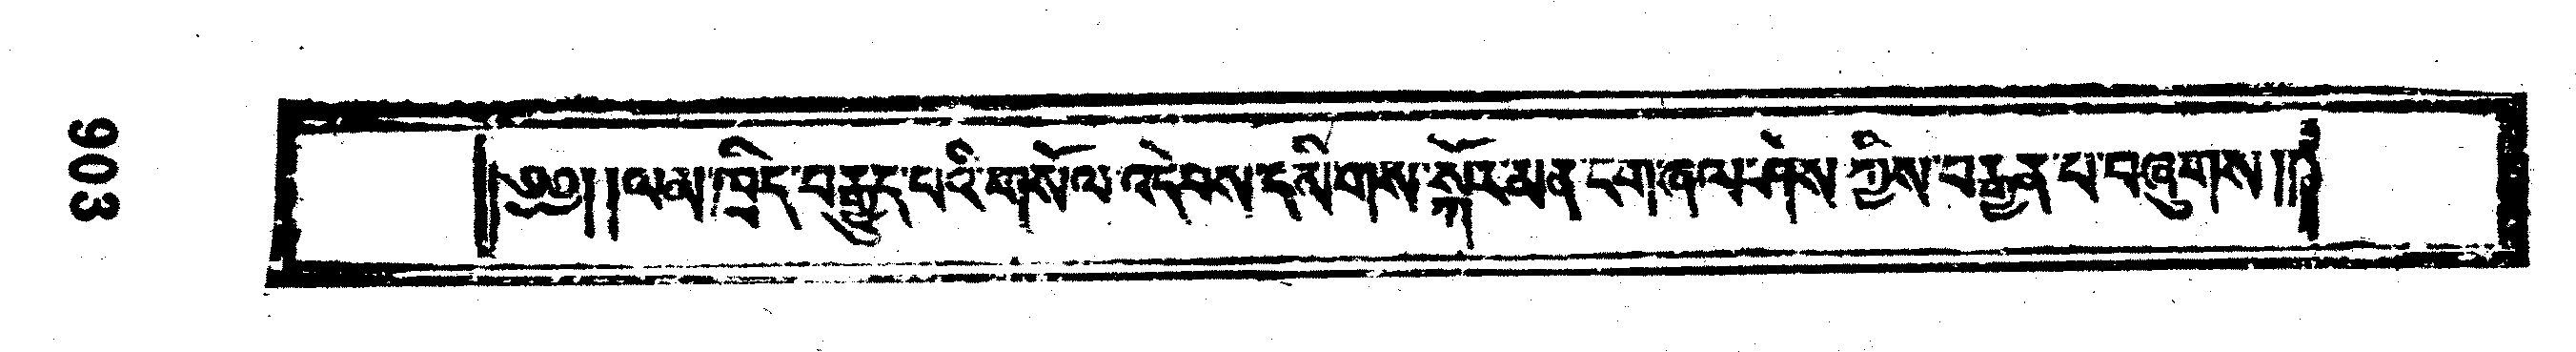༄༅། །ལམ་ཁྲིད་བརྒྱུད་པའི་གསོལ་འདེབས་དམིགས་སྐོར་མན་ངག་ཞལ་ཤེས་ཀྱིས་བརྒྱན་པ་བཞུགས།།